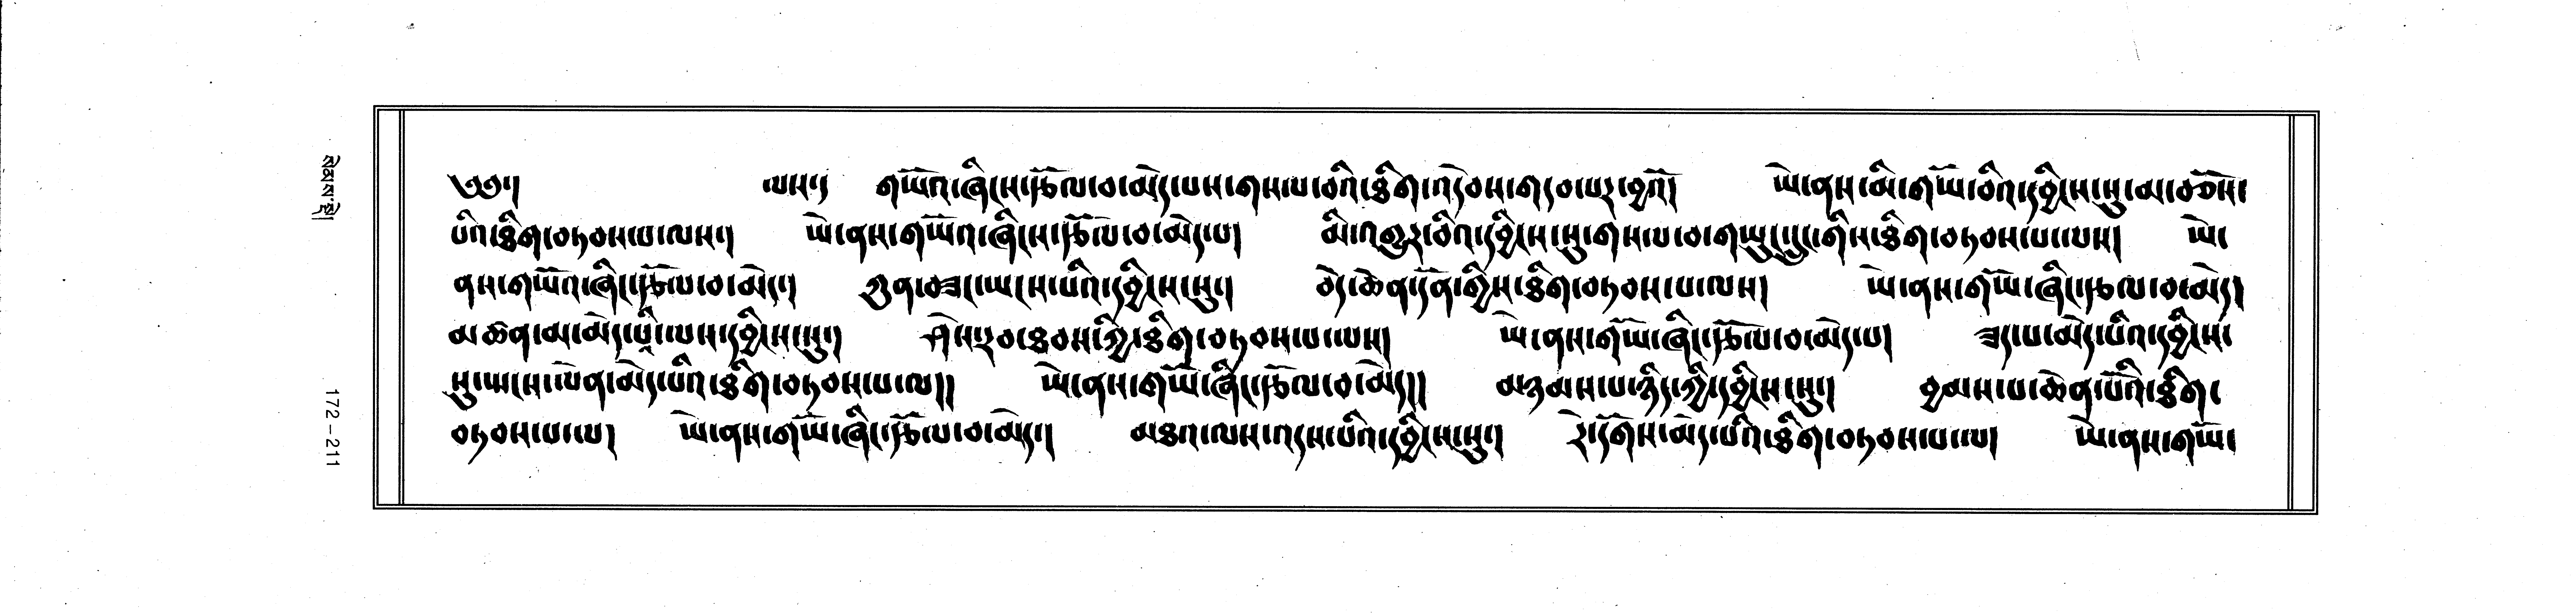ལས། གཡོའ་ཞིང་རྩོལ་བ་མེད་པས་གསལ་བའི་ཐིག་འདེབས་གདབ་པར་བྱའོ། ཡེ་ནས་མི་གཡོ་བའི་དབྱིངས་སུ་མ་བཅོས་
པའི་ཐིག་བཏབས་པ་ལས། ཡེ་ནས་གཡོའ་ཞིང་རྩོལ་བ་མེད་པ། མི་འགྱུར་བའི་དབྱིངས་སུ་གསལ་བ་གཡུང་དྲུང་གི་ཐིག་བཏབས་པ་ལས། ཡེ་
ནས་གཡོའ་ཞིང་རྩོལ་བ་མེད། ཀུན་བཟང་ཡངས་པའི་དབྱིབས་སུ། བདེ་ཆེན་དོན་གྱིས་ཐིག་བཏབས་པ་ལས། ཡེ་ནས་གཡོ་ཞིང་རྩོལ་བ་མེད། 
མཚན་མ་མེད་པའི་ལས་དབྱིངས་སུ། ཤེས་རབ་ཐབས་ཀྱིས་ཐིག་བཏབས་པ་ལས། ཡེ་ནས་གཡོ་ཞིང་རྩོལ་བ་མེད་པ། ཟད་པ་མེད་པའི་དབྱིངས་
སུ་སྤངས་ལེན་མེད་པའི་ཐིག་བཏབས་པ་ལ། ཡེ་ནས་གཡོ་ཞིང་རྩོལ་བ་མེད། མཉམས་པ་ཉིད་ཀྱི་དབྱིངས་སུ། བྱམས་པ་ཆེན་པོའི་ཐིག་
བཏབས་པ་ལ། ཡེ་ནས་གཡོ་ཞིང་རྩོལ་བ་མེད། མཐའ་ལས་འདས་པའི་དབྱིངས་སུ། རེ་དོགས་མེད་པའི་ཐིག་བཏབས་པ་ལ། ཡེ་ནས་གཡོ་ཞིང་